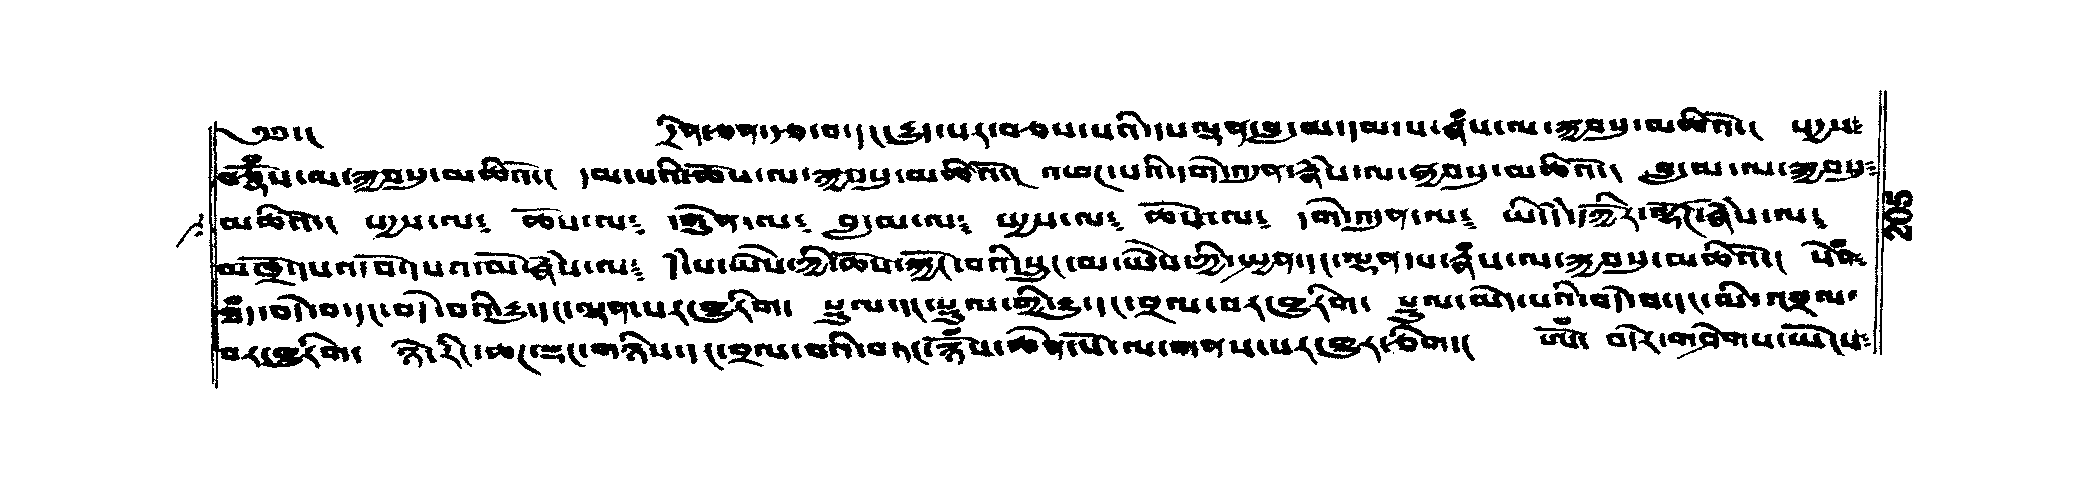དྲིན་ཅན་རྩ་བ་དང་རྒྱུད་པར་བཅས་པའི་དཔལ་ལྡན་བླ་མ་དམ་པ་རྣམས་ལ་སྐྱབས་སུ་མཆིའོ།སངས་རྒྱས་
བཅོམ་ལྡན་འདས་ལ་སྐྱབས་སུ་མཆིའོ། དམ་པའི་ཆོས་ལ་སྐྱབས་སུ་མཆིའོ། འཕགས་པའི་དགེ་འདུན་རྣམས་ལ་སྐྱབས་སུ་མཆིའོ། བླ་མ་ལ་སྐྱབས་སུ་
མཆིའོ། སངས་རྒྱས་ལ་༴ ཆོས་ལ་༴ དགེ་འདུན་ལ་༴ བླ་མ་ལ་༴ སངས་རྒྱས་ལ་༴ ཆོས་ལ་༴ དགེ་འདུན་ལ་༴ ཡི་དམ་དཀྱིལ་འཁོར་ལྷ་ཚོགས་རྣམས་ལ་༴ 
མཁའ་འགྲོ་དཔའ་བོ་དཔའ་མོ་རྣམས་ལ་༴ དམ་པ་ཡེ་ཤེས་ཀྱི་ཆོས་སྐྱོང་བའི་སྲུང་མ་ཡེ་ཤེས་ཀྱི་སྤྱན་དང་སྡན་པ་རྣམས་ལ་སྐྱབས་སུ་མཆིའོ། སེམས་
ཅན་ཐམས་ཅད་བདེ་བ་དང་བདེ་བའི་རྒྱུ་དང་ལྡན་པར་གྱུར་ཅིག་སྡུག་བསྔལ་དང་སྡུག་བསྔལ་གྱི་རྒྱུ་དང་བྲལ་བར་གྱུར་ཅིག་སྡུག་བསྔལ་མེད་པའི་བདེ་བ་དང་མི་འབྲལ་
བར་གྱུར་ཅིག་ཉེ་རིང་ཆགས་སྡང་གཉིས་དང་བྲལ་བའི་བཏང་སྙོམས་ཆེན་པོ་ལ་གནས་པར་གྱུར་ཅིག་ཨོཾ། བདེར་བཤེགས་ཡོངས་